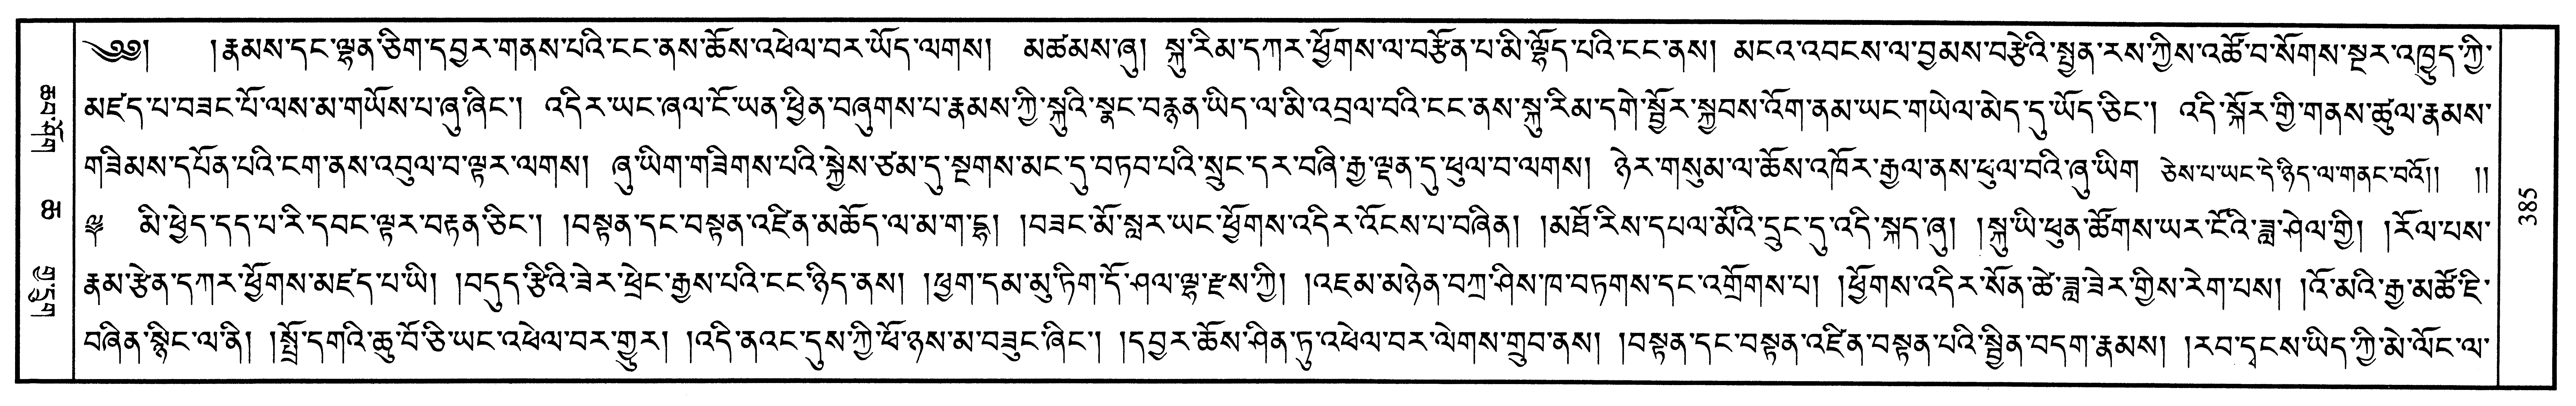༄༅། །རྣམས་དང་ལྷན་ཅིག་དབྱར་གནས་པའི་ངང་ནས་ཆོས་འཕེལ་བར་ཡོད་ལགས། མཚམས་ཞུ། སྐུ་རིམ་དཀར་ཕྱོགས་ལ་བརྩོན་པ་མི་ལྷོད་པའི་ངང་ནས། མངའ་འབངས་ལ་བྱམས་བརྩེའི་སྤྱན་རས་ཀྱིས་འཚོ་བ་སོགས་སྔར་འཁྱུད་ཀྱི་
མཛད་པ་བཟང་པོ་ལས་མ་གཡོས་པ་ཞུ་ཞིང་། འདིར་ཡང་ཞལ་ངོ་ཡན་ཕྱིན་བཞུགས་པ་རྣམས་ཀྱི་སྐུའི་སྣང་བརྙན་ཡིད་ལ་མི་འབྲལ་བའི་ངང་ནས་སྐུ་རིམ་དགེ་སྦྱོར་སྐྱབས་འོག་ནམ་ཡང་གཡེལ་མེད་དུ་ཡོད་ཅིང་། འདི་སྐོར་གྱི་གནས་ཚུལ་རྣམས་
གཟིམས་དཔོན་པའི་ངག་ནས་འབུལ་བ་ལྟར་ལགས། ཞུ་ཡིག་གཟིགས་པའི་སྐྱེས་ཙམ་དུ་སྔགས་མང་དུ་བཏབ་པའི་སྲུང་དར་བཞི་རྒྱ་ལྡན་དུ་ཕུལ་བ་ལགས། ཉེར་གསུམ་ལ་ཆོས་འཁོར་རྒྱལ་ནས་ཕུལ་བའི་ཞུ་ཡིག་ཅེས་པ་ཡང་དེ་ཉིད་ལ་གནང་བའོ།། །།
༈ མི་ཕྱེད་དད་པ་རི་དབང་ལྟར་བརྟན་ཅིང་། །བསྟན་དང་བསྟན་འཛིན་མཆོད་ལ་མ་ག་དྷ། །བཟང་མོ་སླར་ཡང་ཕྱོགས་འདིར་འོངས་པ་བཞིན། །མཐོ་རིས་དཔལ་མོའི་དྲུང་དུ་འདི་སྐད་ཞུ། །སྐུ་ཡི་ཕུན་ཚོགས་ཡར་ངོའི་ཟླ་ཤེལ་གྱི། །རོལ་པས་
རྣམ་རྩེན་དཀར་ཕྱོགས་མཛད་པ་ཡི། །བདུད་རྩིའི་ཟེར་ཕྲེང་རྒྱས་པའི་ངང་ཉིད་ནས། །ཕྱག་དམ་མུ་ཏིག་དོ་ཤལ་ལྷ་རྫས་ཀྱི། །འཇམ་མཉེན་བཀྲ་ཤིས་ཁ་བཏགས་དང་འགྲོགས་པ། །ཕྱོགས་འདིར་སོན་ཚེ་ཟླ་ཟེར་གྱིས་རེག་པས། །འོ་མའི་རྒྱ་མཚོ་ཇི་
བཞིན་སྙིང་ལ་ནི། །སྤྲོ་དགའི་ཆུ་བོ་ཅི་ཡང་འཕེལ་བར་གྱུར། །འདི་ནའང་དུས་ཀྱི་ཕོ་ཉས་མ་བཟུང་ཞིང་། །དབྱར་ཆོས་ཤིན་ཏུ་འཕེལ་བར་ལེགས་གྲུབ་ནས། །བསྟན་དང་བསྟན་འཛིན་བསྟན་པའི་སྦྱིན་བདག་རྣམས། །རབ་དྭངས་ཡིད་ཀྱི་མེ་ལོང་ལ་